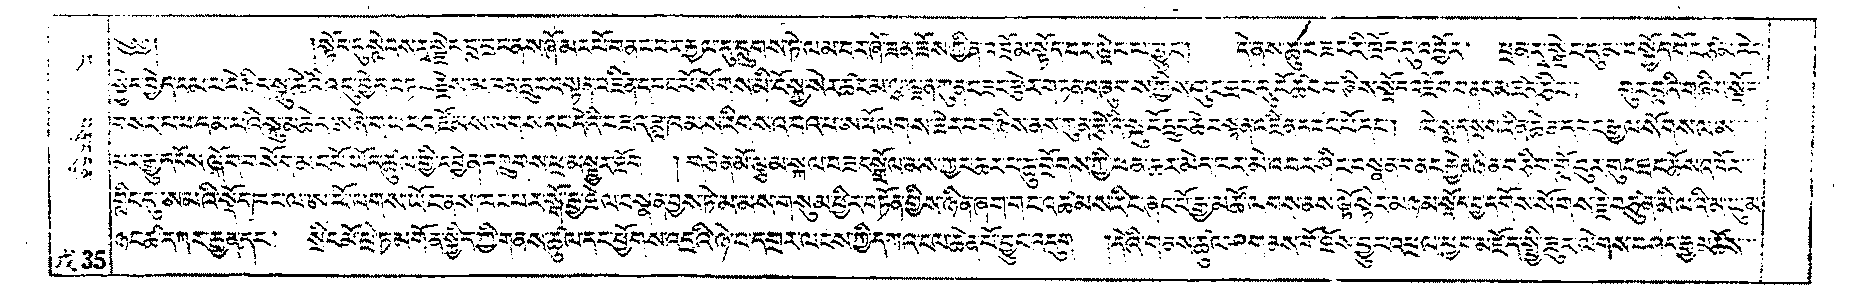༄༅། །སྟོད་དུ་སླེབས་རྭ་སྒྲེང་བླ་བྲང་ནས་ཞོ་མང་པོ་གནང་བ་ར་རྐྱལ་དུ་བླུགས་ཏེ་ལམ་བར་ཞོ་ཟན་ཟོས་ཀྱིན་འབྲོམ་སྟོད་བར་ལྡེང་པ་བྱུང་། དེ་ནས་ཆུ་བཟང་རི་ཁྲོད་དུ་འབྱོར། ཕྲན་རྭ་སྒྲེང་དུ་མ་བསྐྱོད་གོང་ཙམ་དེར་
སྐྱེད་བྱེད་དམ་པ་དེ་ཉིད་སྐུ་ཚེའི་འདུ་བྱེད་བཏང་རྗེས་མཁན་དྲུང་བསྟན་འཛིན་དབང་པོ་སོགས་མི་ངོ་སྐྱ་སེར་ཚང་མ་ལྷ་ལྡན་ཀུན་བཟང་རྩེར་གཏན་བཞུགས་ཀྱིས་གུང་ཐང་དུ་ངོ་ཚབ་གཞིས་སྡོད་འཇོག་གནང་མཛད་ཅིང་། གུང་བླའི་གཞིས་སྡོད་
གསར་པ་ཕ་དམ་པའི་སྐུ་མཆེད་ཨ་ནེ་གཡང་འཛོམས་ལགས་དང་དེའི་བཟའ་ཟླ་ཁམས་རིགས་འབའ་པ་ཨ་ཕོ་ལགས་ཟེར་བ་གཉིས་ནས་ཀུན་རྩེའི་སྐུ་ངོ་དྲུང་ཆེ་བསྟན་འཛིན་དབང་པོ་དང་། ཁེ་སྨད་སྲས་རིན་ཆེན་དབང་རྒྱལ་སོགས་ལ་ཨ་
མར་རྒྱུ་དངོས་ལྐོག་གསོག་མང་པོ་ཡོད་ཚུལ་གྱི་དབྱེན་དཀྲུགས་ཕྲ་མ་སྦྱར་ཐོག །གཅེན་མོ་ལྕམ་སྐལ་བཟང་སྒྲོལ་མས་ཀྱང་ཆར་པ་ཆུ་གྲོགས་ཀྱི་ཕན་ཆར་མེད་ཁར་མེ་འབར་ཤིང་བསྣན་གནང་རྐྱེན་ཉིན་གཅིག་གློ་བུར་གུང་ཐང་ཆོས་འཁོར་
གླིང་དུ་ཨ་མའི་སྡོང་ཁང་ལ་ཨ་ཕོ་ལགས་ཡོང་ནས་ཁང་པར་སྒོ་རྒྱ་ཐེལ་བསྣན་བྱས་ཏེ་མ་མས་གསུམ་ཕྱིར་བཏོན་གྱིས་ཉིན་ཞག་གང་འཚམས་རིང་ཞང་པོ་རྒྱ་མཚོ་ལགས་ནས་ལྟོ་སྟེར་མཉམ་སྡོད་བྱ་དགོས་སོགས་རྗེ་བཙུན་མི་ལའི་མ་ཡུམ་
ཉང་ཚ་དཀར་རྒྱན་དང་། སྲིང་མོ་པྲེ་ཏ་མགོན་སྐྱིད་ཀྱི་གནས་ཚུལ་དང་ཕྱོགས་འདྲའི་ཉེ་བ་དགྲར་ལངས་ཀྱི་དཀའ་ངལ་ཆེན་པོ་བྱུང་འདུག །དེའི་གནས་ཚུལ་ཤག་ནས་གོ་ཐོས་བྱུང་འཕྲལ་ཕྱག་མཛོད་སྤྱི་ཟུར་ལེགས་བཤད་རྒྱ་མཚོས་